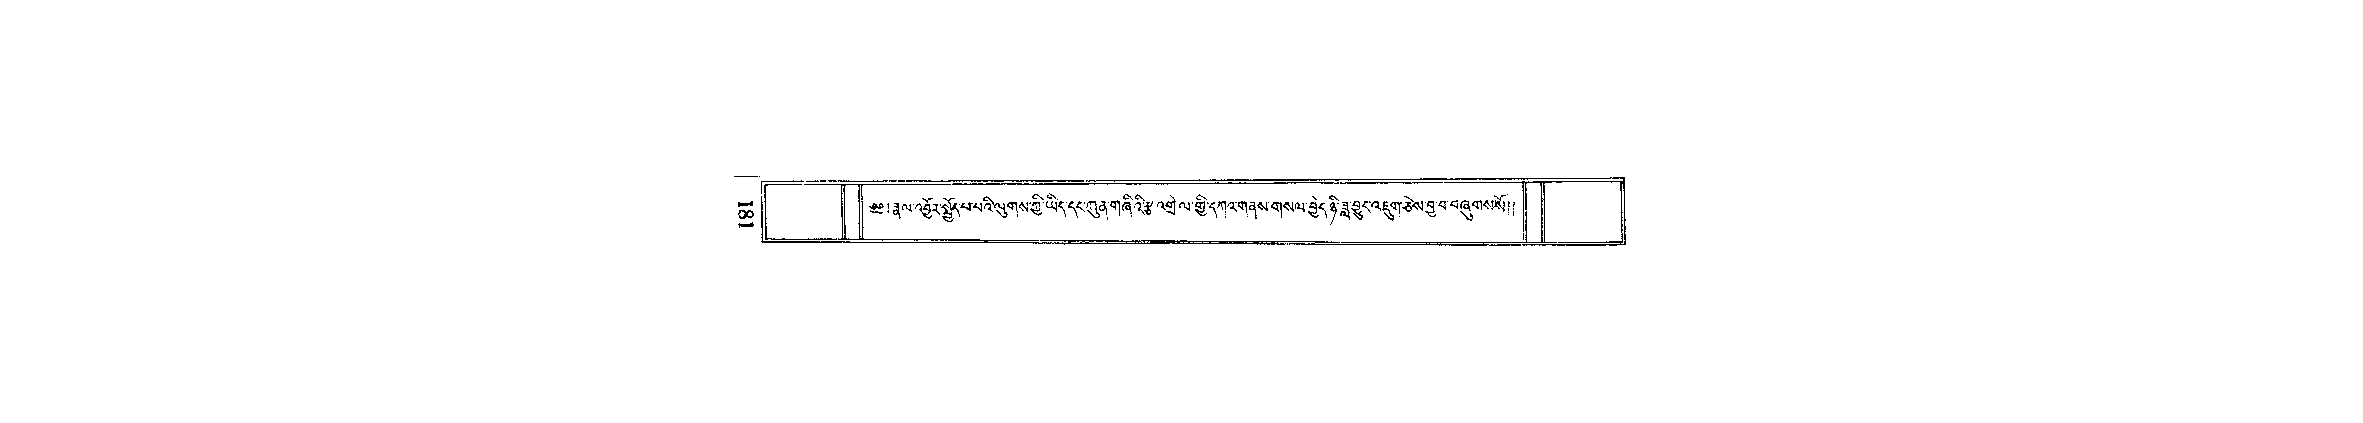༄༅། །རྣལ་འབྱོར་སྤྱོད་པ་པའི་ལུགས་ཀྱི་ཡིད་དང་ཀུན་གཞིའི་རྩ་འགྲེལ་གྱི་དཀའ་གནས་གསལ་བྱེད་ཉི་ཟླ་ཟུང་འཇུག་ཅེས་བྱ་བ་བཞུགས་སོ། །